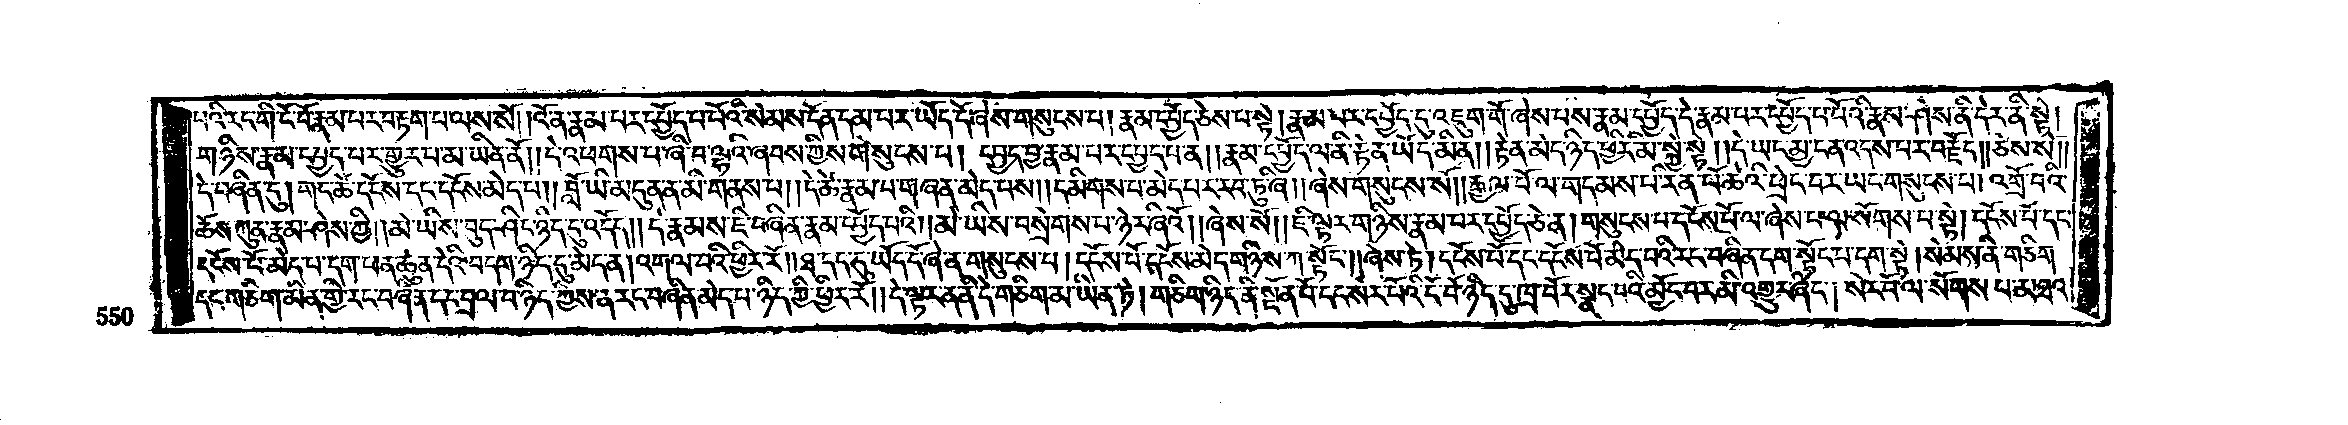པའི་རང་གི་ངོ་བོ་རྣམ་པར་བརྟག་པ་ལས་སོ། །འོ་ན་རྣམ་པར་དཔྱོད་པ་པོའི་སེམས་དོན་དམ་པར་ཡོད་དོ་ཞེས་གསུངས་པ། རྣམ་དཔྱོད་ཅེས་པ་སྟེ། རྣམ་པར་དཔྱོད་དུ་འཇུག་གོ་ཞེས་པས་རྣམ་དཔྱོད་དེ་རྣམ་པར་དཔྱོད་པ་པོའི་རྣམ་ཤེས་ནི་དེར་ནི་སྟེ།
གཉིས་རྣམ་དཔྱད་པར་གྱུར་པ་མ་ཡིན་ནོ། །དེ་འཕགས་པ་ཞི་བ་ལྷའི་ཞབས་ཀྱིས་གསུངས་པ། དཔྱད་བྱ་རྣམ་པར་དཔྱད་པ་ན། །རྣམ་དཔྱོད་ལ་ནི་རྟེན་ཡོད་མིན། །རྟེན་མེད་ཉིད་ཕྱིར་མི་སྐྱེ་སྟེ། །དེ་ཡང་མྱ་ངན་འདས་པར་བརྗོད། །ཅེས་སོ། །
དེ་བཞིན་དུ། གང་ཚེ་དངོས་དང་དངོས་མེད་པ། །བློ་ཡི་མདུན་ན་མི་གནས་པ། །དེ་ཚེ་རྣམ་པ་གཞན་མེད་པས། །དམིགས་པ་མེད་པར་རབ་ཏུ་ཞི། །ཞེས་གསུངས་སོ། །རྒྱལ་པོ་ལ་གདམས་པ་རིན་པོ་ཆེའི་ཕྲེང་བར་ཡང་གསུངས་པ། འགྲོ་བའི་
ཆོས་ཀུན་རྣམ་ཤེས་ཀྱི། །མེ་ཡིས་བུད་ཤིང་ཉིད་དུ་འདོད། །དེ་རྣམས་ཇི་བཞིན་རྣམ་དཔྱོད་པའི། །མེ་ཡིས་བསྲེགས་པ་ཉེར་ཞིའོ། །ཞེས་སོ། །ཇི་ལྟར་གཉིས་རྣམ་པར་དཔྱོད་ཅེ་ན། གསུངས་པ་དངོས་པོ་ལ་ཞེས་པ་ལ་སོགས་པ་སྟེ། དངོས་པོ་དང་
དངོས་པོ་མེད་པ་དག་ཕན་ཚུན་དེའི་བདག་ཉིད་དུ་མེད་ན། འགལ་བའི་ཕྱིར་རོ། །ཐ་དད་དུ་ཡོད་དོ་ཞེ་ན་གསུངས་པ། དངོས་པོ་དངོས་མེད་གཉིས་ཀ་སྟོང་། །ཞེས་ཏེ། དངོས་པོ་དང་དངོས་པོ་མེད་པའི་རང་བཞིན་དག་སྟོང་པ་དག་སྟེ། སེམས་ནི་གཅིག་
དང་གཅིག་མིན་གྱི་རང་བཞིན་དང་བྲལ་བ་ཉིད་ཀྱིས་ན་རང་བཞིན་མེད་པ་ཉིད་ཀྱི་ཕྱིར་རོ། །དེ་ལྟར་ན་ནི་དེ་གཅིག་མ་ཡིན་ཏེ། གཅིག་ཉིད་ནི་སྔོན་པོ་དང་སེར་པོའི་ངོ་བོ་ཉིད་དུ་ཁྲ་བོར་སྣང་བའི་མྱོང་བར་མི་འགྱུར་ཞིང་། སེར་པོ་ལ་སོགས་པ་མཐའ་